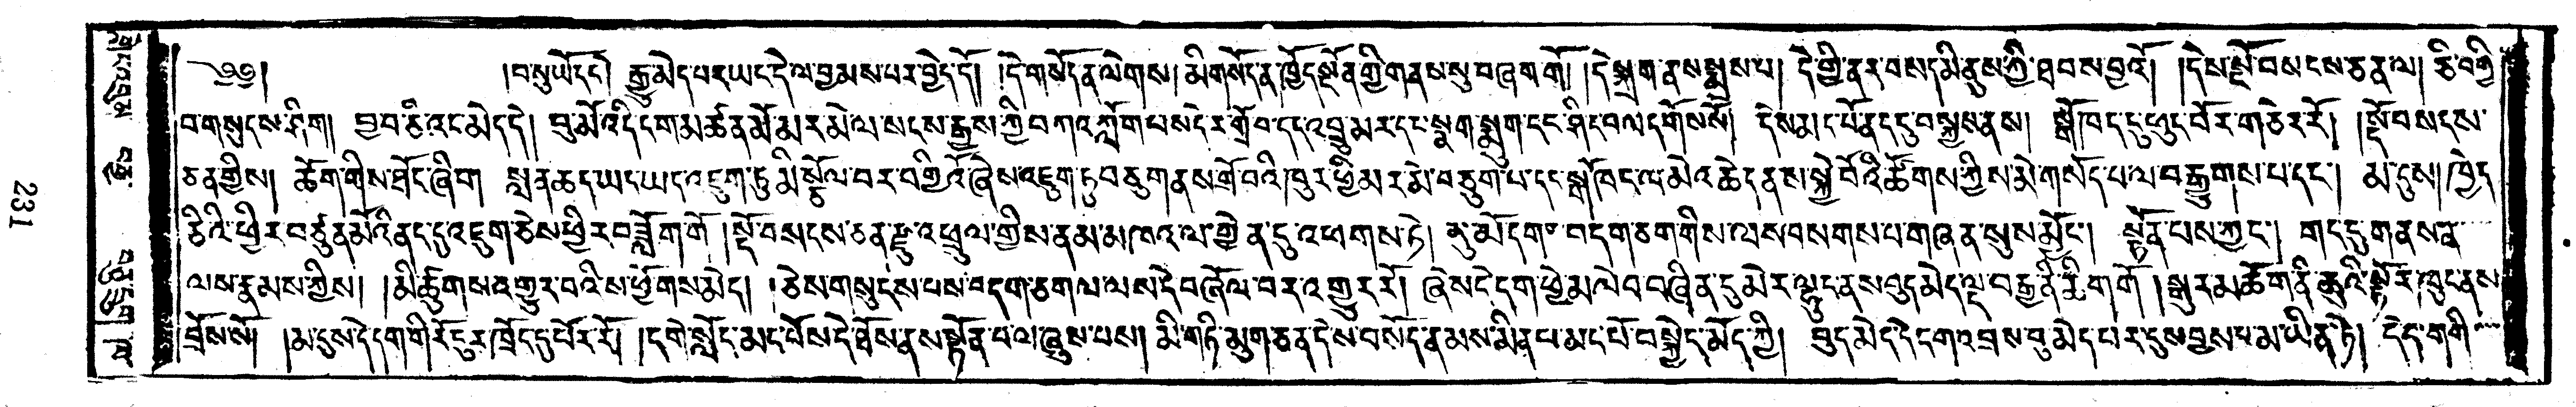༄༅། །བ་སུ་ཡོད་དེ། རྒྱུ་མེད་པར་ཡང་དེ་ལ་བྱམས་པར་བྱེད་དོ། །དེ་གསོད་ན་ལེགས། མི་གསོད་ན་ཁྱོད་སྔོན་གྱི་གནས་སུ་བཞག་གོ། །དེ་སྐྲག་ནས་སྨྲས་པ། དེ་གྱི་ནར་བསད་མི་ནུས་ཀྱི་ཐབས་བྱའོ། །དེས་སྔོ་བསངས་ཅན་ལ། ཅི་བགྱི་
བ་གསུངས་ཤིག། བྱ་བ་ཅི་འང་མེད་དེ། བུ་མོ་འདི་དག་མཚན་མོ་མར་མེ་ལ་སངས་རྒྱས་ཀྱི་བཀའ་ཀློག་པས་དེར་གྲོ་བ་དད་འབྲུ་མར་དང་སྣག་སྨུག་དང་ཤིང་བལ་དགོས་སོ། དེས་མང་པོ་ནང་དུ་བསྐྱས་ནས། སྒོ་ཁང་དུ་ཕུང་བོར་གཅེར་རོ། །སྔོ་བསངས་
ཅན་གྱིས། ཆོག་གིས་ཐོང་ཞིག་སླན་ཆད་ཡང་ཡང་འཇུག་ཏུ་མི་སྩོལ་བར་བགྱིའོ་ཞེས་འཇུག་ཏུ་བཅུག་ནས་གྲོ་བའི་ཁུར་ཕྱི་མར་མེ་བཅུག་པ་དང་སྒོ་ཁང་ལ་མེ་འཆེད་ནས་སྐྱེ་བོའི་ཚོགས་ཀྱིས་མེ་གསོད་པ་ལ་བརྒྱུགས་པ་དང་། མ་དུས། ཁྱེད་
ཅིའི་ཕྱིར་བཙུན་མོའི་ནང་དུ་འཇུག་ཅེས་ཕྱིར་བཟློག་གོ །སྡོ་བསངས་ཅན་རྫུ་འཕྲུལ་གྱིས་ནམ་མཁའ་ལ་གྱེན་དུ་འཕགས་ཏེ། ནུ་མོ་དག་བདག་ཅག་གིས་ལས་བསགས་པ་གཞན་སུས་མྱོང་། སྟོན་པས་ཀྱང་། གང་དུ་གནས་ན་
ལས་རྣམས་ཀྱིས། །མི་ཚུགས་འགྱུར་བའི་ས་ཕྱོགས་མེད། །ཅེས་གསུངས་པས་བདག་ཅག་ལ་ལས་དེ་བཞོལ་བར་འགྱུར་རོ། ཞེས་དེ་དག་ཕྱེ་མ་ལེབ་བཞིན་དུ་མེར་ལྷུང་ནས་བུད་མེད་ལྔ་བརྒྱ་ནི་ཆིག་གོ །སྒུར་མཆོག་ནི་ཆུའི་སྟོར་ཁུང་ནས་
བྲོས་སོ། །མ་དུས་དེ་དག་གི་རོ་དུར་ཁྲོད་དུ་བོར་རོ། །དགེ་སློང་མང་པོས་དེ་ཐོས་ནས་སྟོན་པ་ལ་ཞུས་པས། མི་གཏི་མུག་ཅན་དེས་བསོད་ནམས་མིན་པ་མང་པོ་བསྐྱེད་མོད་ཀྱི། བུད་མེད་དེ་དག་འབྲས་བུ་མེད་པར་དུས་བྱས་པ་མ་ཡིན་ཏེ། དེ་དག་གི་